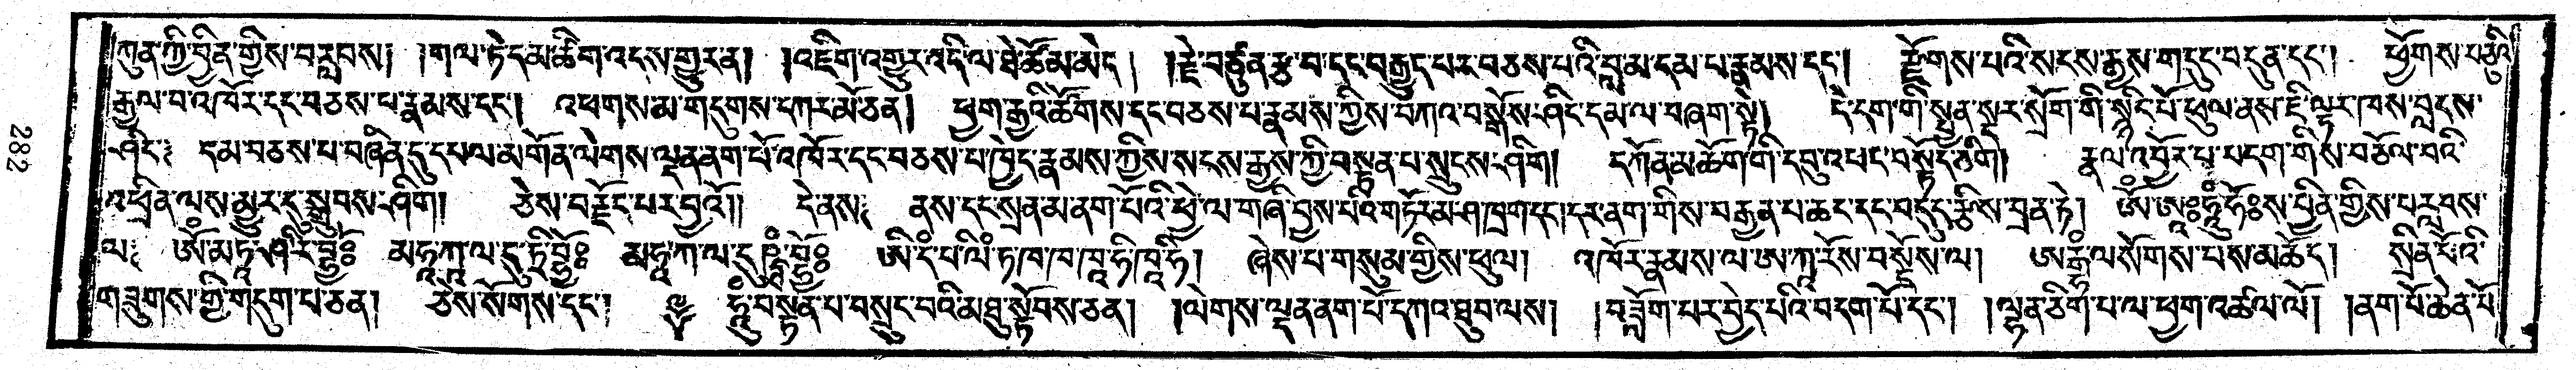ཀུན་གྱི་བྱིན་གྱིས་བརླབས། །གལ་ཏེ་དམ་ཚིག་འདས་གྱུར་ན། །འཇིག་འགྱུར་འདི་ལ་ཐེ་ཚོམ་མེད། །རྗེ་བཙུན་རྩ་བ་དང་བརྒྱུད་པར་བཅས་པའི་བླ་མ་དམ་པ་རྣམས་དང་། རྫོགས་པའི་སངས་རྒྱས་གདུང་བདུན་དང་། ཕྱོགས་བཅུའི་
རྒྱལ་བ་འཁོར་དང་བཅས་པ་རྣམས་དང་། འཕགས་མ་གདུགས་དཀར་མོ་ཅན། ཕྱག་རྒྱའི་ཚོགས་དང་བཅས་པ་རྣམས་ཀྱིས་བཀའ་བསྒོས་ཤིང་དམ་ལ་བཞག་སྟེ། དེ་དག་གི་སྤྱན་སྔར་སྲོག་གི་སྙིང་པོ་ཕུལ་ནས་ཇི་ལྟར་ཁས་བླངས་
ཤིང༑ དམ་བཅས་པ་བཞིན་དུ་དཔལ་མགོན་ལེགས་ལྡན་ནག་པོ་འཁོར་དང་བཅས་པ་ཁྱེད་རྣམས་ཀྱིས་སངས་རྒྱས་ཀྱི་བསྟན་པ་སྲུངས་ཤིག། དཀོན་མཆོག་གི་དབུ་འཕང་བསྟོད་ཅིག། རྣལ་འབྱོར་པ་བདག་གིས་བཅོལ་བའི་
འཕྲིན་ལས་མྱུར་དུ་སྒྲུབས་ཤིག། ཅེས་བརྗོད་པར་བྱའོ།། དེ་ནས༑ ནས་དང་སྲན་མ་ནག་པོའི་ཕྱེ་ལ་གཞི་བྱས་པའི་གཏོར་མ་ཤ་ཁྲག་དང་། དར་ནག་གིས་བརྒྱན་པ་ཆང་དང་བདུད་རྩིས་བྲན་ཏེ། ཨོཾ་ཨཱཿ ཧཱུཾ་ཧོཿ ས་བྱིན་གྱིས་བརླབས་
ལ༑ ཨོཾ་མཧཱ་ཤི་ར་བྷྱོཿ མཧཱ་ཀཱ་ལ་དུ་ཏྲི་བྷྱོཿ མཧཱ་ཀ་ལ་དུཥྚཾ་བྷྱོཿ ཨི་དཾ་པ་ལིཾ་ཏ་ཁ་ཁ་ཁཱ་ཧི་ཁཱ་ཧི། ཞེས་པ་གསུམ་གྱིས་ཕུལ། འཁོར་རྣམས་ལ་ཨ་ཀཱ་རོས་བསྡོས་ལ། ཨརྒྷཾ་ལ་སོགས་པས་མཆོད། སྲིན་པོའི་
གཟུགས་གྱི་གདུག་པ་ཅན། ཅེས་སོགས་དང་། ༈ ཧཱུཾ་བསྟན་པ་བསྲུང་བའི་མཐུ་སྟོབས་ཅན། །ལེགས་ལྡན་ནག་པོ་དཀའ་ཐུབ་ལས། །བཟློག་པར་བྱེད་པའི་བདག་པོ་དང་། །ལྷན་ཅིག་པ་ལ་ཕྱག་འཚལ་ལོ། །ནག་པོ་ཆེན་པོ་